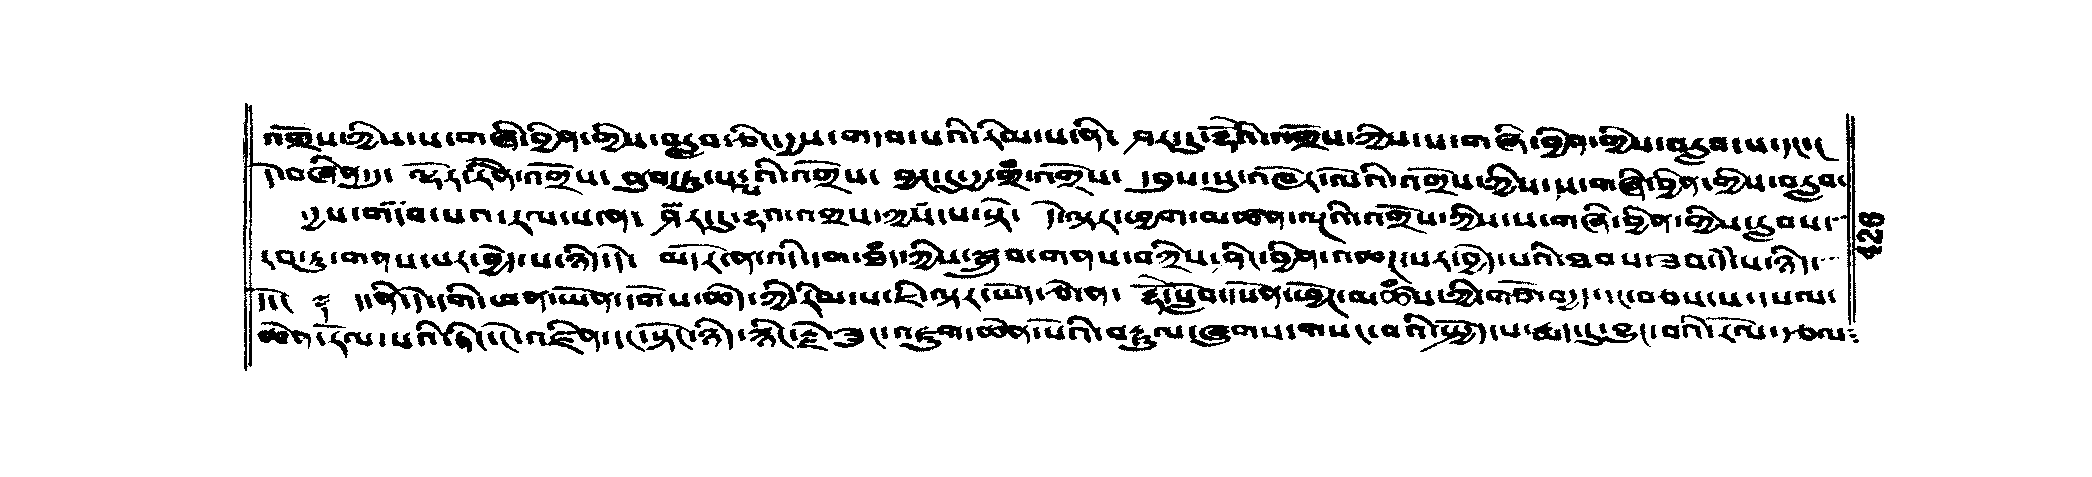འགྲོས་ཀྱི་ས་གཞི་བྱིན་གྱིས་བརླབ་ཅིང་རྒྱས་གདབ་པའི་རིམ་པ་ནི། ཤར་དུ་རྡོ་རྗེ་འགྲོས་ཀྱིས་ས་གཞི་བྱིན་གྱིས་བརླབ་པ་དང་། 
དེ་བཞིན་དུ། ལྷོར་རིན་ཆེན་འགྲོས། ནུབ་ཏུ་པདྨའི་འགྲོས། བྱང་དུ་རྒྱ་གྲམ་འགྲོས། དབུས་སུ་འཁོར་ལོའི་འགྲོས་ཀྱིས་ས་གཞི་བྱིན་གྱིས་བརླབ་ཅིང་
རྒྱས་གདབ་པའིལ་རིམ་པ་ནི། ཤར་དུ་རྡོ་རྗེ་འགྲོས་ཀྱིས་ས་སྟེ། དེ་ལྟར་ཕྱག་མཚན་ལྔའི་འགྲོས་ཀྱིས་ས་གཞི་བྱིན་གྱིས་བརླབ། 
རབ་ཏུ་གནས་པར་བྱེད་པ་ཉིད་དེ། མདོར་ན་འདི་དག་ཐམས་ཅད་ཀྱིས་སྒྲུབ་གནས་བཀྲ་ཤིས་ཤིང་བྱིན་འཆགས་པར་བྱེད་པའི་ཐབས་ཟབ་དམ་པ་ཉིད་
དོ། ༈ ད་ནི་དེ་དག་གི་ཕན་ཡོན་དགོས་ཆེད་ཀྱི་རིམ་པ་ཇི་ལྟར་ཡོད་ཅེ་ན། རྡོ་རྗེ་སློབ་དཔོན་ཕྱོགས་མཚམས་ཀྱི་གཙོ་བརྒྱད་དང་བཅས་པ་དཔལ་
ཆེན་རོལ་བའི་ཏིང་ངེ་འཛིན་དང་སྟོང་ཉིད་སྙིང་རྗེ་ཟུང་འཇུག་ཆེན་པོའི་བརྟུལ་ཞུགས་གསང་བའི་སྤྱོད་པ་རྨད་དུ་བྱུང་བའི་རོལ་རྩལ་